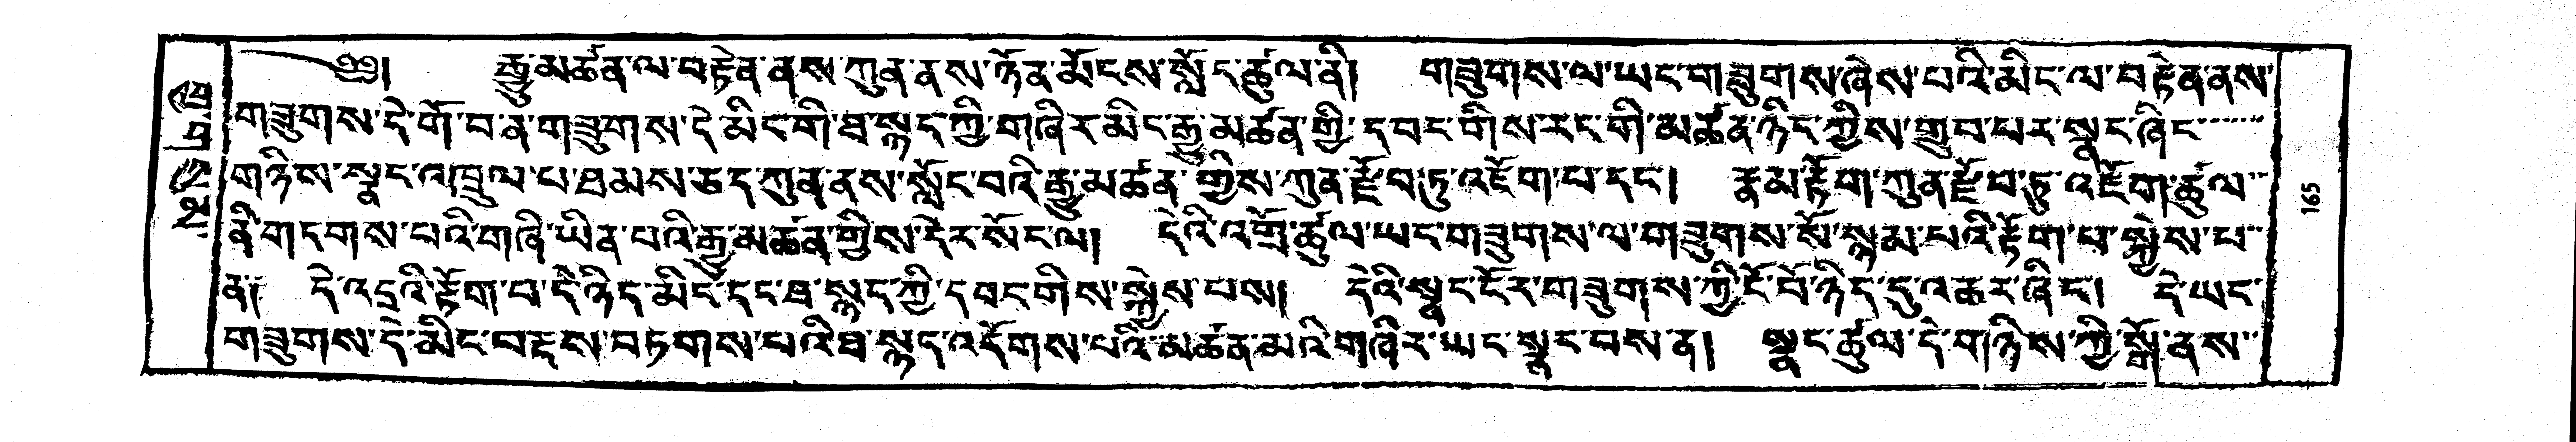༄༅། །རྒྱུ་མཚན་ལ་བརྟེན་ནས་ཀུན་ནས་ཉོན་མོངས་སློང་ཚུལ་ནི། གཟུགས་ལ་ཡང་གཟུགས་ཞེས་པའི་མིང་ལ་བརྟེན་ནས་
གཟུགས་དེ་གོ་བ་ན་གཟུགས་དེ་མིང་གི་ཐ་སྙད་ཀྱི་གཞིར་མིང་རྒྱུ་མཚན་གྱི་དབང་གིས་རང་གི་མཚན་ཉིད་ཀྱིས་གྲུབ་པར་སྣང་ཞིང་
གཉིས་སྣང་འཁྲུལ་པ་ཐམས་ཅད་ཀུན་ནས་སློང་བའི་རྒྱུ་མཚན་གྱིས་ཀུན་རྫོབ་ཏུ་འཇོག་པ་དང་། རྣམ་རྟོག་ཀུན་རྫོབ་ཏུ་འཇོག་ཚུལ་
ནི་གདགས་པའི་གཞི་ཡིན་པའི་རྒྱུ་མཚན་གྱིས་དེར་སོང་ལ། དེའི་འགྲོ་ཚུལ་ཡང་གཟུགས་ལ་གཟུགས་སོ་སྙམ་པའི་རྟོག་པ་སྐྱེས་པ་
ན། དེ་འདྲའི་རྟོག་པ་དེ་ཉིད་མིང་དང་ཐ་སྙད་ཀྱི་དབང་གིས་སྐྱེས་པས། དེའི་སྣང་ངོར་གཟུགས་ཀྱི་ངོ་བོ་ཉིད་དུ་འཆར་ཞིང་། དེ་ཡང་
གཟུགས་དེ་མིང་བརྡས་བཏགས་པའི་ཐ་སྙད་འདོགས་པའི་མཚན་མའི་གཞིར་ཡང་སྣང་བས་ན། སྣང་ཚུལ་དེ་གཉིས་ཀྱི་སྒོ་ནས་